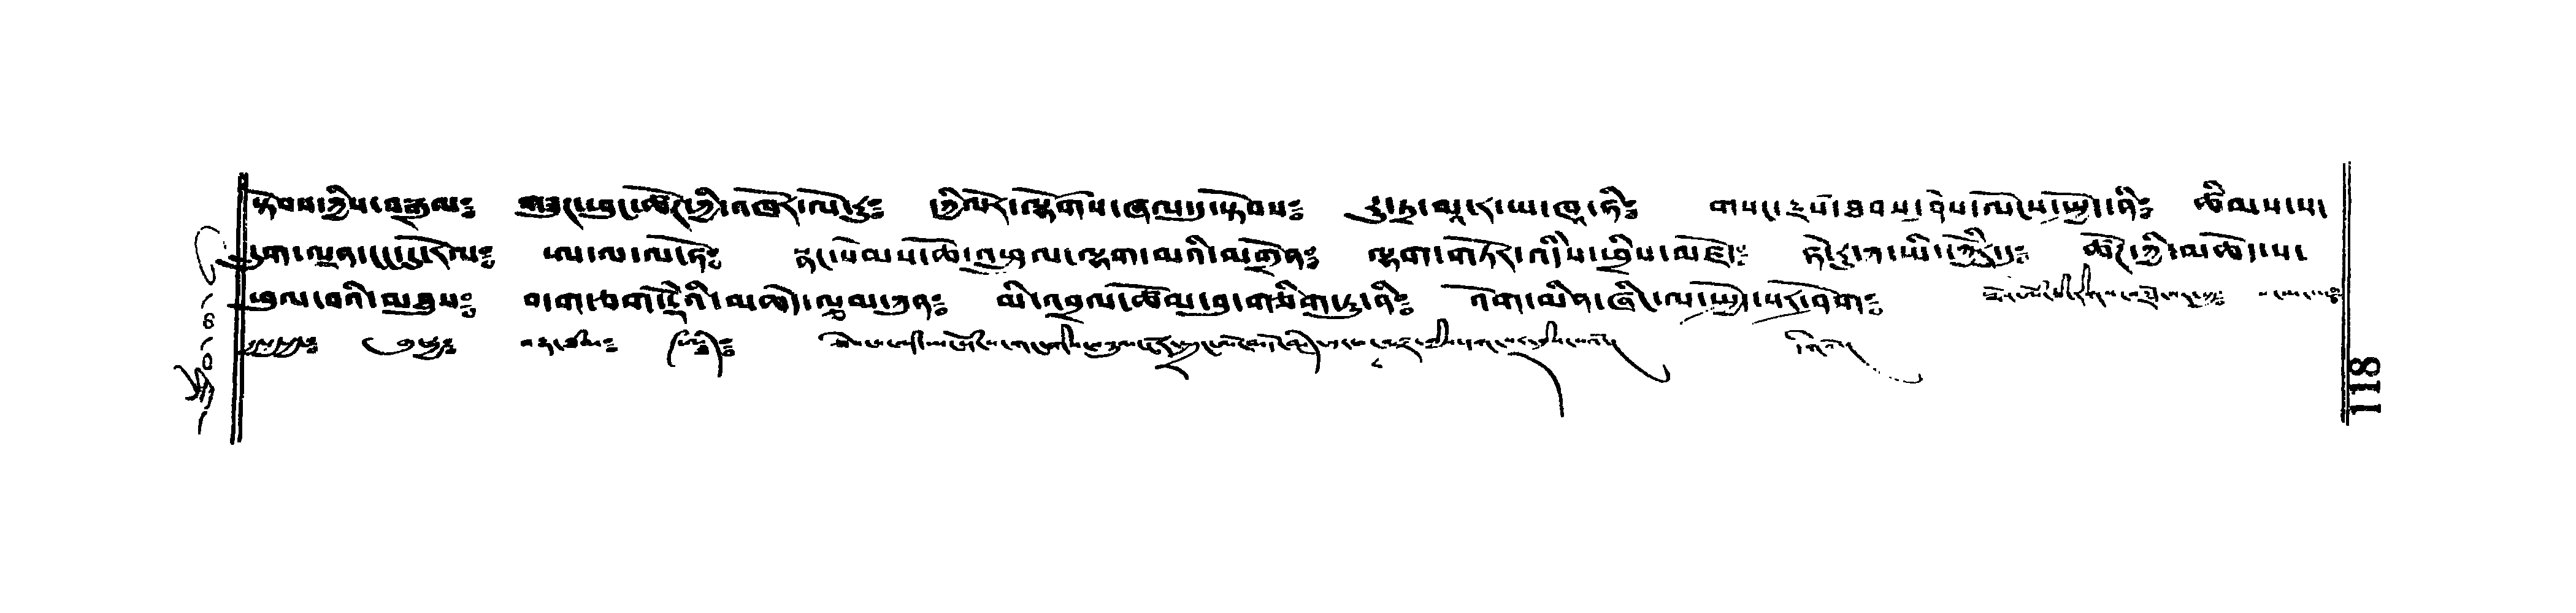སྟོབས་ཀྱིས་བསྒྲལ༔ གཟུགས་ཕུང་ཚོགས་ཀྱི་འཁོར་ལོ་རུ༔ དཀྱིལ་འཁོར་ལྷ་ཚོགས་ཞལ་དུ་སྟོབ༔ རུ་ཏྲ་མཱ་ར་ཡ་ཁཱ་ཧིཿ གསང་རྫས་ཐབས་ཤེས་ལོངས་སྤྱོད་ནི༔ ཚིམ་པ་
དྲུག་ལྡན་ངང་དུ་རོལ༔ ཨ་ལ་ཧོཿ སྣང་སེམས་ཆོ་འཕྲུལ་ལྷག་མའི་མགྲོན༔ ལྷག་གཏོར་འདི་ཤེས་ཕྲིན་ལས་མཛོད༔ ཧེ་རུ་ཀ་ཡི་དཀྱིལ་འཁོར་དུ༔ ཚོགས་ཀྱི་མཆེད་པ་
ཕུལ་བའི་མཐུས༔ བདག་ཅག་རྡོ་རྗེའི་མཆོད་ལྕམ་ཀུན༔ མི་འབྲལ་ཚོམ་བུ་གཅིག་ཏུ་ནི༔ འོག་མིན་ཞིང་ལ་སྤྱོད་པར་ཤོག༔ སྨོན་ལམ་ཅི་རིགས་བརྗོད་པར་བྱ༔ ས་མ་ཡ༔ 
རྒྱ་རྒྱ་རྒྱ༔ གུ་ཧྱ༔ བརྡ་ཐིམ༔ ༔ ཞེས་པ་འདི་ཡང་དམ་པ་གང་གིས་བསྐུལ་ངོར་སྤྲང་མོ་མདོ་མེད་སུ་ཁ་བཛྲ་གྱིས་དག་པར་བྲིས་པའོ།། དགེའོ། །